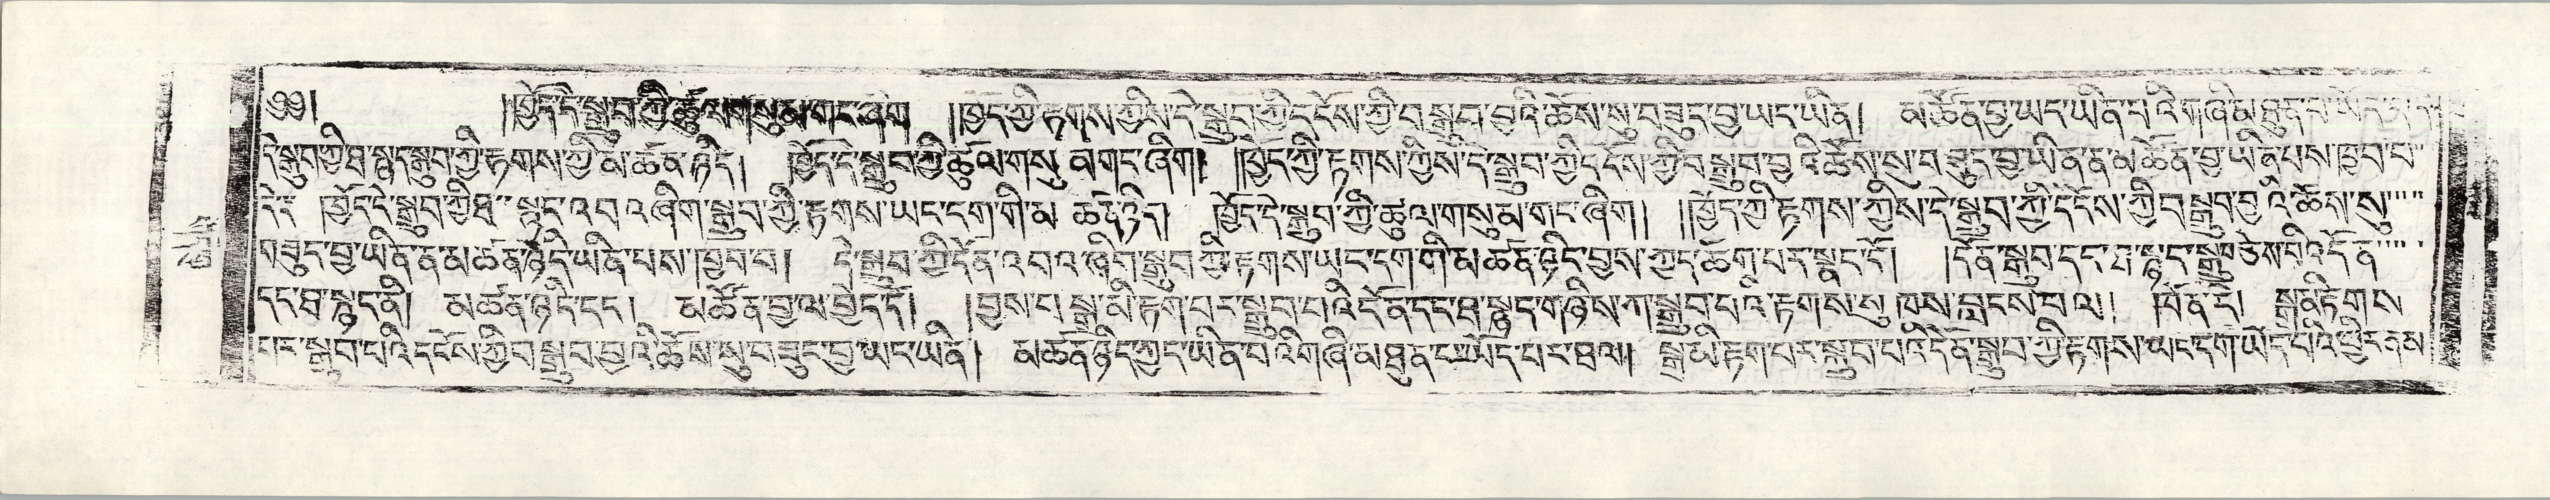༄༅། །ཁྱོད་དེ་སྒྲུབ་ཀྱི་ཚུལ་གསུམ་གང་ཞིག །ཁྱོད་ཀྱི་རྟགས་ཀྱིས་དེ་སྒྲུབ་ཀྱི་དངོས་ཀྱི་བསྒྲུབ་བྱའི་ཆོས་སུ་བཟུང་བྱ་ཡང་ཡིན། མཚོན་བྱ་ཡང་ཡིན་པའི་གཞི་མཐུན་པ་ཡོད་པ་དེ་
དེ་སྒྲུབ་ཀྱི་ཐ་སྙད་སྒྲུབ་ཀྱི་རྟགས་ཀྱི་མཚན་ཉིད། ཁྱོད་དེ་སྒྲུབ་ཀྱི་ཚུལ་གསུམ་གང་ཞིག །ཁྱོད་ཀྱི་རྟགས་ཀྱིས་དེ་སྒྲུབ་ཀྱི་དངོས་ཀྱི་བསྒྲུབ་བྱའི་ཆོས་སུ་བཟུང་བྱ་ཡིན་ན་མཚོན་བྱ་ཡིན་པས་ཁྱབ་པ་
དེ། །ཁྱོད་དེ་སྒྲུབ་ཀྱི་ཐ་སྙད་འབའ་ཞིག་སྒྲུབ་ཀྱི་རྟགས་ཡང་དག་གི་མཚན་ཉིད། ཁྱོད་དེ་སྒྲུབ་ཀྱི་ཚུལ་གསུམ་གང་ཞིག །ཁྱོད་ཀྱི་རྟགས་ཀྱིས་དེ་སྒྲུབ་ཀྱི་དངོས་ཀྱི་བསྒྲུབ་བྱའི་ཆོས་སུ་
བཟུང་བྱ་ཡིན་ན་མཚན་ཉིད་ཡིན་པས་ཁྱབ་པ། དེ་སྒྲུབ་ཀྱི་དོན་འབའ་ཞིག་སྒྲུབ་ཀྱི་རྟགས་ཡང་དག་གི་མཚན་ཉིད་བྱས་ཀྱང་ཆོག་པར་སྣང་ངོ། །དོན་སྒྲུབ་དང་ཐ་སྙད་སྒྲུབ་ཅེས་པའི་དོན་
དང་ཐ་སྙད་ནི། མཚན་ཉིད་དང་། མཚོན་བྱ་ལ་བྱེད་དོ། །བྱས་པ་སྒྲ་མི་རྟག་པར་སྒྲུབ་པའི་དོན་དང་ཐ་སྙད་གཉིས་ཀ་སྒྲུབ་པའི་རྟགས་སུ་ཁས་བླངས་པལ། ཁོ་ན་རེ། སྒྲ་མི་རྟག་
པར་སྒྲུབ་པའི་དངོས་ཀྱི་བསྒྲུབ་བྱའི་ཆོས་སུ་བཟུང་བྱ་ཡང་ཡིན། མཚན་ཉིད་ཀྱང་ཡིན་པའི་གཞི་མཐུན་པ་ཡོད་པར་ཐལ། སྒྲ་མི་རྟག་པར་སྒྲུབ་པའི་དོན་སྒྲུབ་ཀྱི་རྟགས་ཡང་དག་ཡོད་པའི་ཕྱིར་ན་མ་